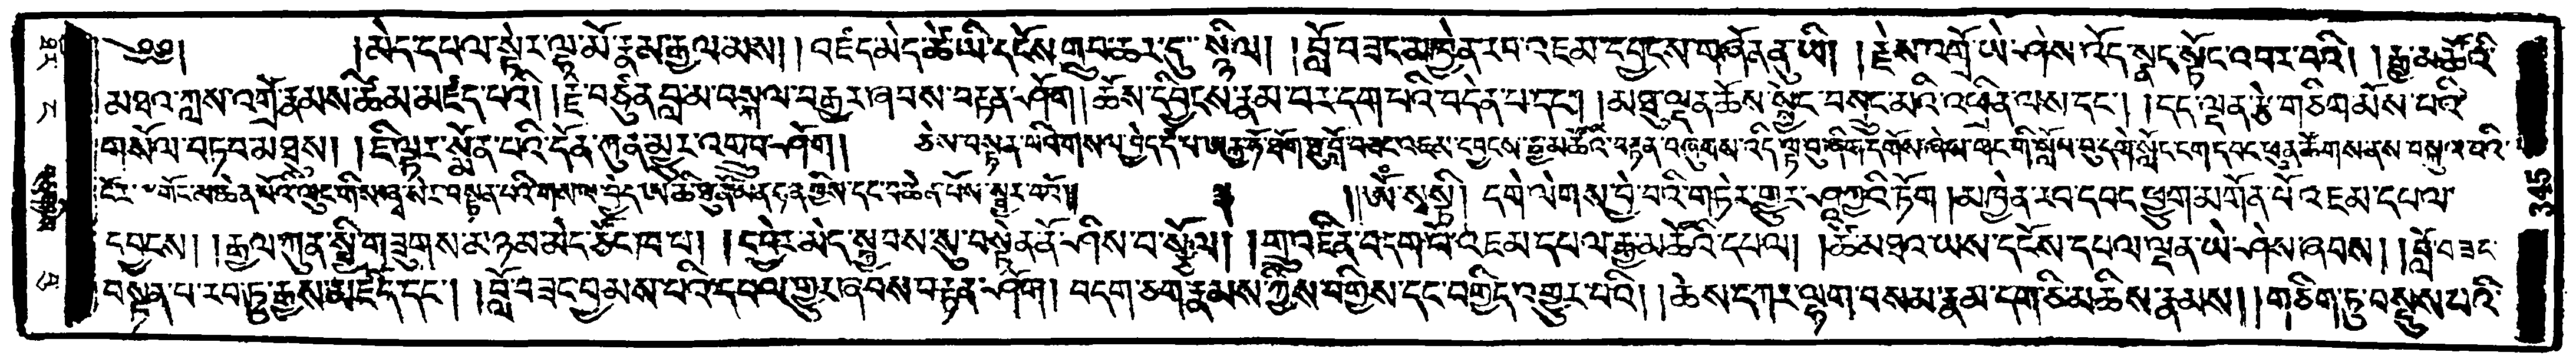༄༅། །མེད་དཔལ་སྟེར་ལྷ་མོ་རྣམ་རྒྱལ་མས། །འཛད་མེད་ཚེ་ཡི་དངོས་གྲུབ་ཆར་དུ་སྙིལ། །བློ་བཟང་མཁྱེན་རབ་འཇམ་དབྱངས་གཞོན་ནུ་ཡི། །རྗེས་འགྲོ་ཡེ་ཤེས་འོད་སྣང་སྟོང་འབར་བའི། །རྒྱ་མཚོའི་
མཐའ་ཀླས་འགྲོ་རྣམས་ཚིམ་མཛད་པའི། །རྗེ་བཙུན་བླ་མ་བསྐལ་བརྒྱར་ཞབས་བརྟན་ཤོག །ཆོས་དབྱིངས་རྣམ་པར་དག་པའི་བདེན་པ་དང་། །མཐུ་ལྡན་ཆོས་སྐྱོང་བསྲུང་མའི་འཕྲིན་ལས་དང་། །དད་ལྡན་རྩེ་གཅིག་མོས་པའི་
གསོལ་བཏབ་མཐུས། །ཇི་ལྟར་སྨོན་པའི་དོན་ཀུན་མྱུར་འགྲུབ་ཤོག །ཅེས་བསྟན་པའི་གསལ་བྱེད་དཾ་པ་ཨརྒྱ་ཧོ་ཐོག་ཐུ་བློ་བཟང་འཇམ་དབྱངས་རྒྱ་མཚོའི་བརྟན་བཞུགས་འདི་ལྟ་བུ་ཞིག་དགོས་ཞེས་གང་གི་སློབ་བུ་དགེ་སློང་ངག་དབང་ཕུན་ཚོགས་ནས་བསྐུལ་བའི་
ངོར ༧གོང་མ་ཆེན་པོའི་ལུང་གིས་ཞྭ་སེར་བསྟན་པའི་གསལ་བྱེད་ཨ་ཆི་ཐུ་ནོ་མོན་ཧན་གྱིས་དང་བ་ཆེན་པོས་སྦྱར་བའོ།། ༈ །།ཨོཾ་སྭསྟི། དགེ་ལེགས་བྱེ་བའི་གཏེར་གྱུར་ཤཱཀྱའི་ཏོག །མཁྱེན་རབ་དབང་ཕྱུག་མགོན་པོ་འཇམ་དཔལ་
དབྱངས། །རྒྱལ་ཀུན་སྤྱི་གཟུགས་མཉམ་མེད་ཙོང་ཁ་པ། །དབྱེར་མེད་སྐྱབས་སུ་བསྟེན་ནོ་ཤིས་པ་སྩོལ། །གྲུབ་འཛིན་བདག་པོ་འཇམ་དཔལ་རྒྱ་མཚོའི་དཔལ། །ཚེ་མཐའ་ཡས་དངོས་དཔལ་ལྡན་ཡེ་ཤེས་ཞབས། །བློ་བཟང་
བསྟན་པ་རབ་ཏུ་རྒྱས་མཛད་དང་། །བློ་བཟང་བྱམས་པའི་དཔལ་གྱུར་ཞབས་བརྟན་ཤོག །བདག་ཅག་རྣམས་ཀྱིས་བགྱིས་དང་བགྱིད་འགྱུར་བའི། །ཆེས་དཀར་ལྷག་བསམ་རྣམ་དག་ཅི་མཆིས་རྣམས། །གཅིག་ཏུ་བསྡུས་པའི་